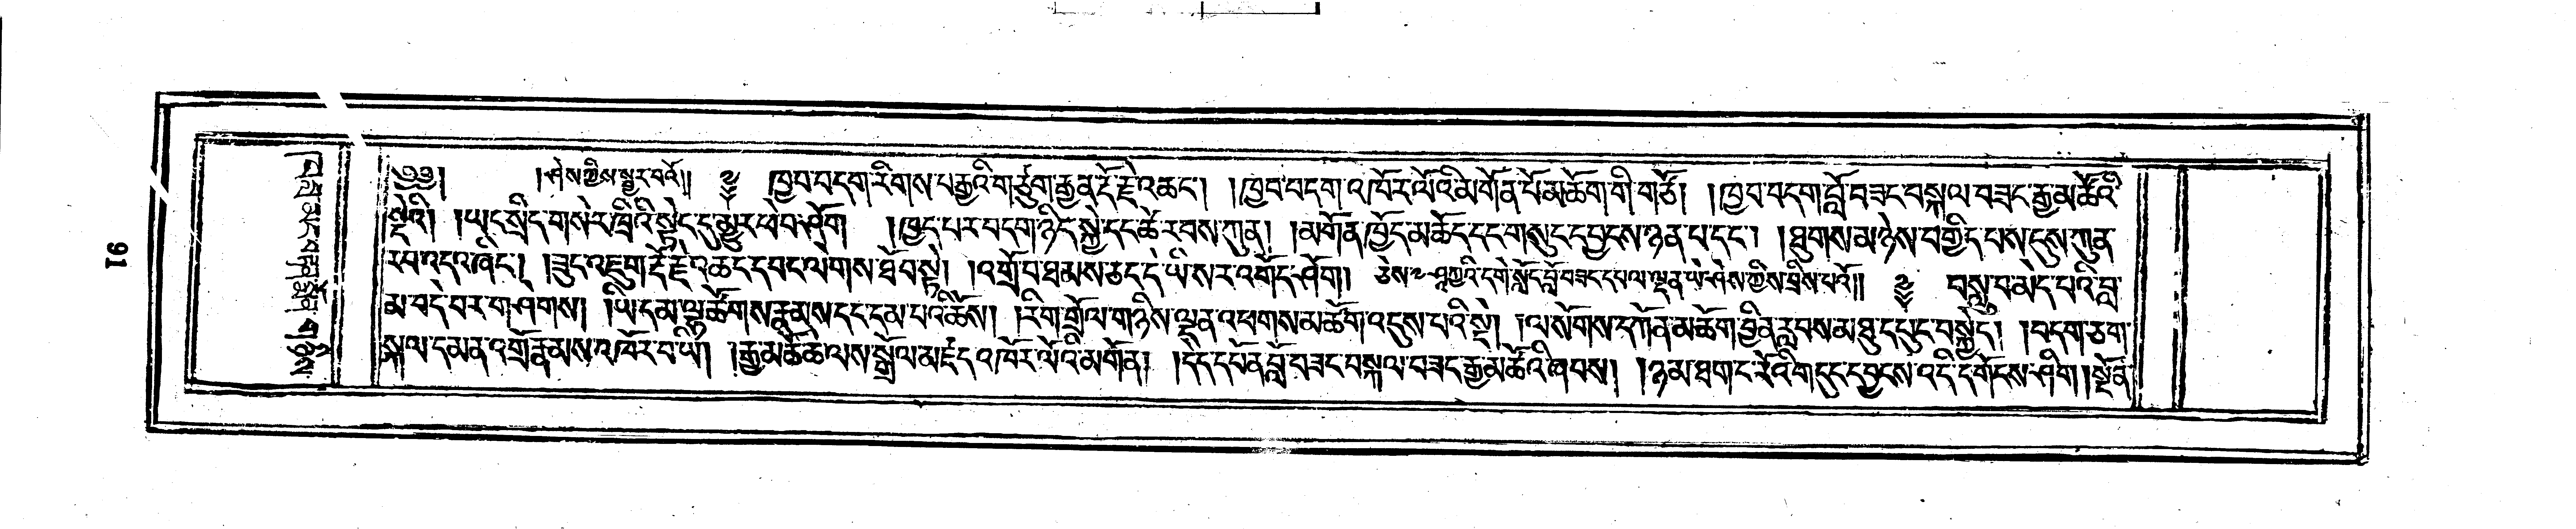༄༅། །ཤེས་ཀྱིས་སྦྱར་བའོ།། ༈ ཁྱབ་བདག་རིགས་པ་རྒྱའི་གཙུག་རྒྱན་རྡོ་རྗེ་འཆང་། །ཁྱབ་བདག་འཁོར་ལོའི་མགོན་པོ་མཆོག་གི་གཙོ། །ཁྱབ་བདག་བློ་བཟང་བསྐལ་བཟང་རྒྱ་མཚོའི་
སྡེའི། །ཡང་སྲིད་གསེར་ཁྲིའི་སྟེང་དུ་མྱུར་ཕེབ་ཤོག །ཁྱད་པར་བདག་ཉིད་སྐྱེ་དང་ཚེ་རབས་ཀུན། །མགོན་ཁྱོད་མཆོད་དང་གསུང་དབྱངས་ཉན་པ་དང་། །ཐུགས་མཉེས་བགྱིད་པས་དུས་ཀུན་
རབ་འདའ་ཞིང་། །ཟུང་འཇུག་རྡོ་རྗེ་འཆང་དབང་ལེགས་ཐོབ་སྟེ། །འགྲོ་བ་ཐམས་ཅད་དེ་ཡི་ས་ར་འགོད་ཤོག། ཅེས་༧་ཤཱཀྱའི་དགེ་སློང་བློ་བཟང་དཔལ་ལྡན་ཡེ་ཤེས་ཀྱིས་བྲིས་པའོ།། ༈ བསླུ་བ་མེད་པའི་བླ་
མ་བདེ་བར་གཤེགས། །ཡི་དམ་ལྷ་ཚོགས་རྣམས་དང་དམ་པའི་ཆོས། །རིག་གྲོལ་གཉིས་ལྡན་འཕགས་མཚོག་འདུས་པའི་སྡེ། །ལ་སོགས་དཀོན་མཆོག་བྱིན་རླབས་མཐུ་དཔུང་བསྐྱེད། །བདག་ཅག་
སྐལ་དམན་འགྲོ་རྣམས་འཁོར་བ་ཡི། །རྒྱ་མཚོ་ཆི་ཆེ་ལས་སྒྲོལ་མཛད་འཁོར་ལོའི་མགོན། །དེད་དཔོན་བློ་བཟང་བསྐལ་བཟང་རྒྱ་མཚོའི་ཞབས། །ཉམ་ཐག་ང་རོའི་གདུང་དབྱངས་འདི་དགོངས་ཤིག །སྔོན་